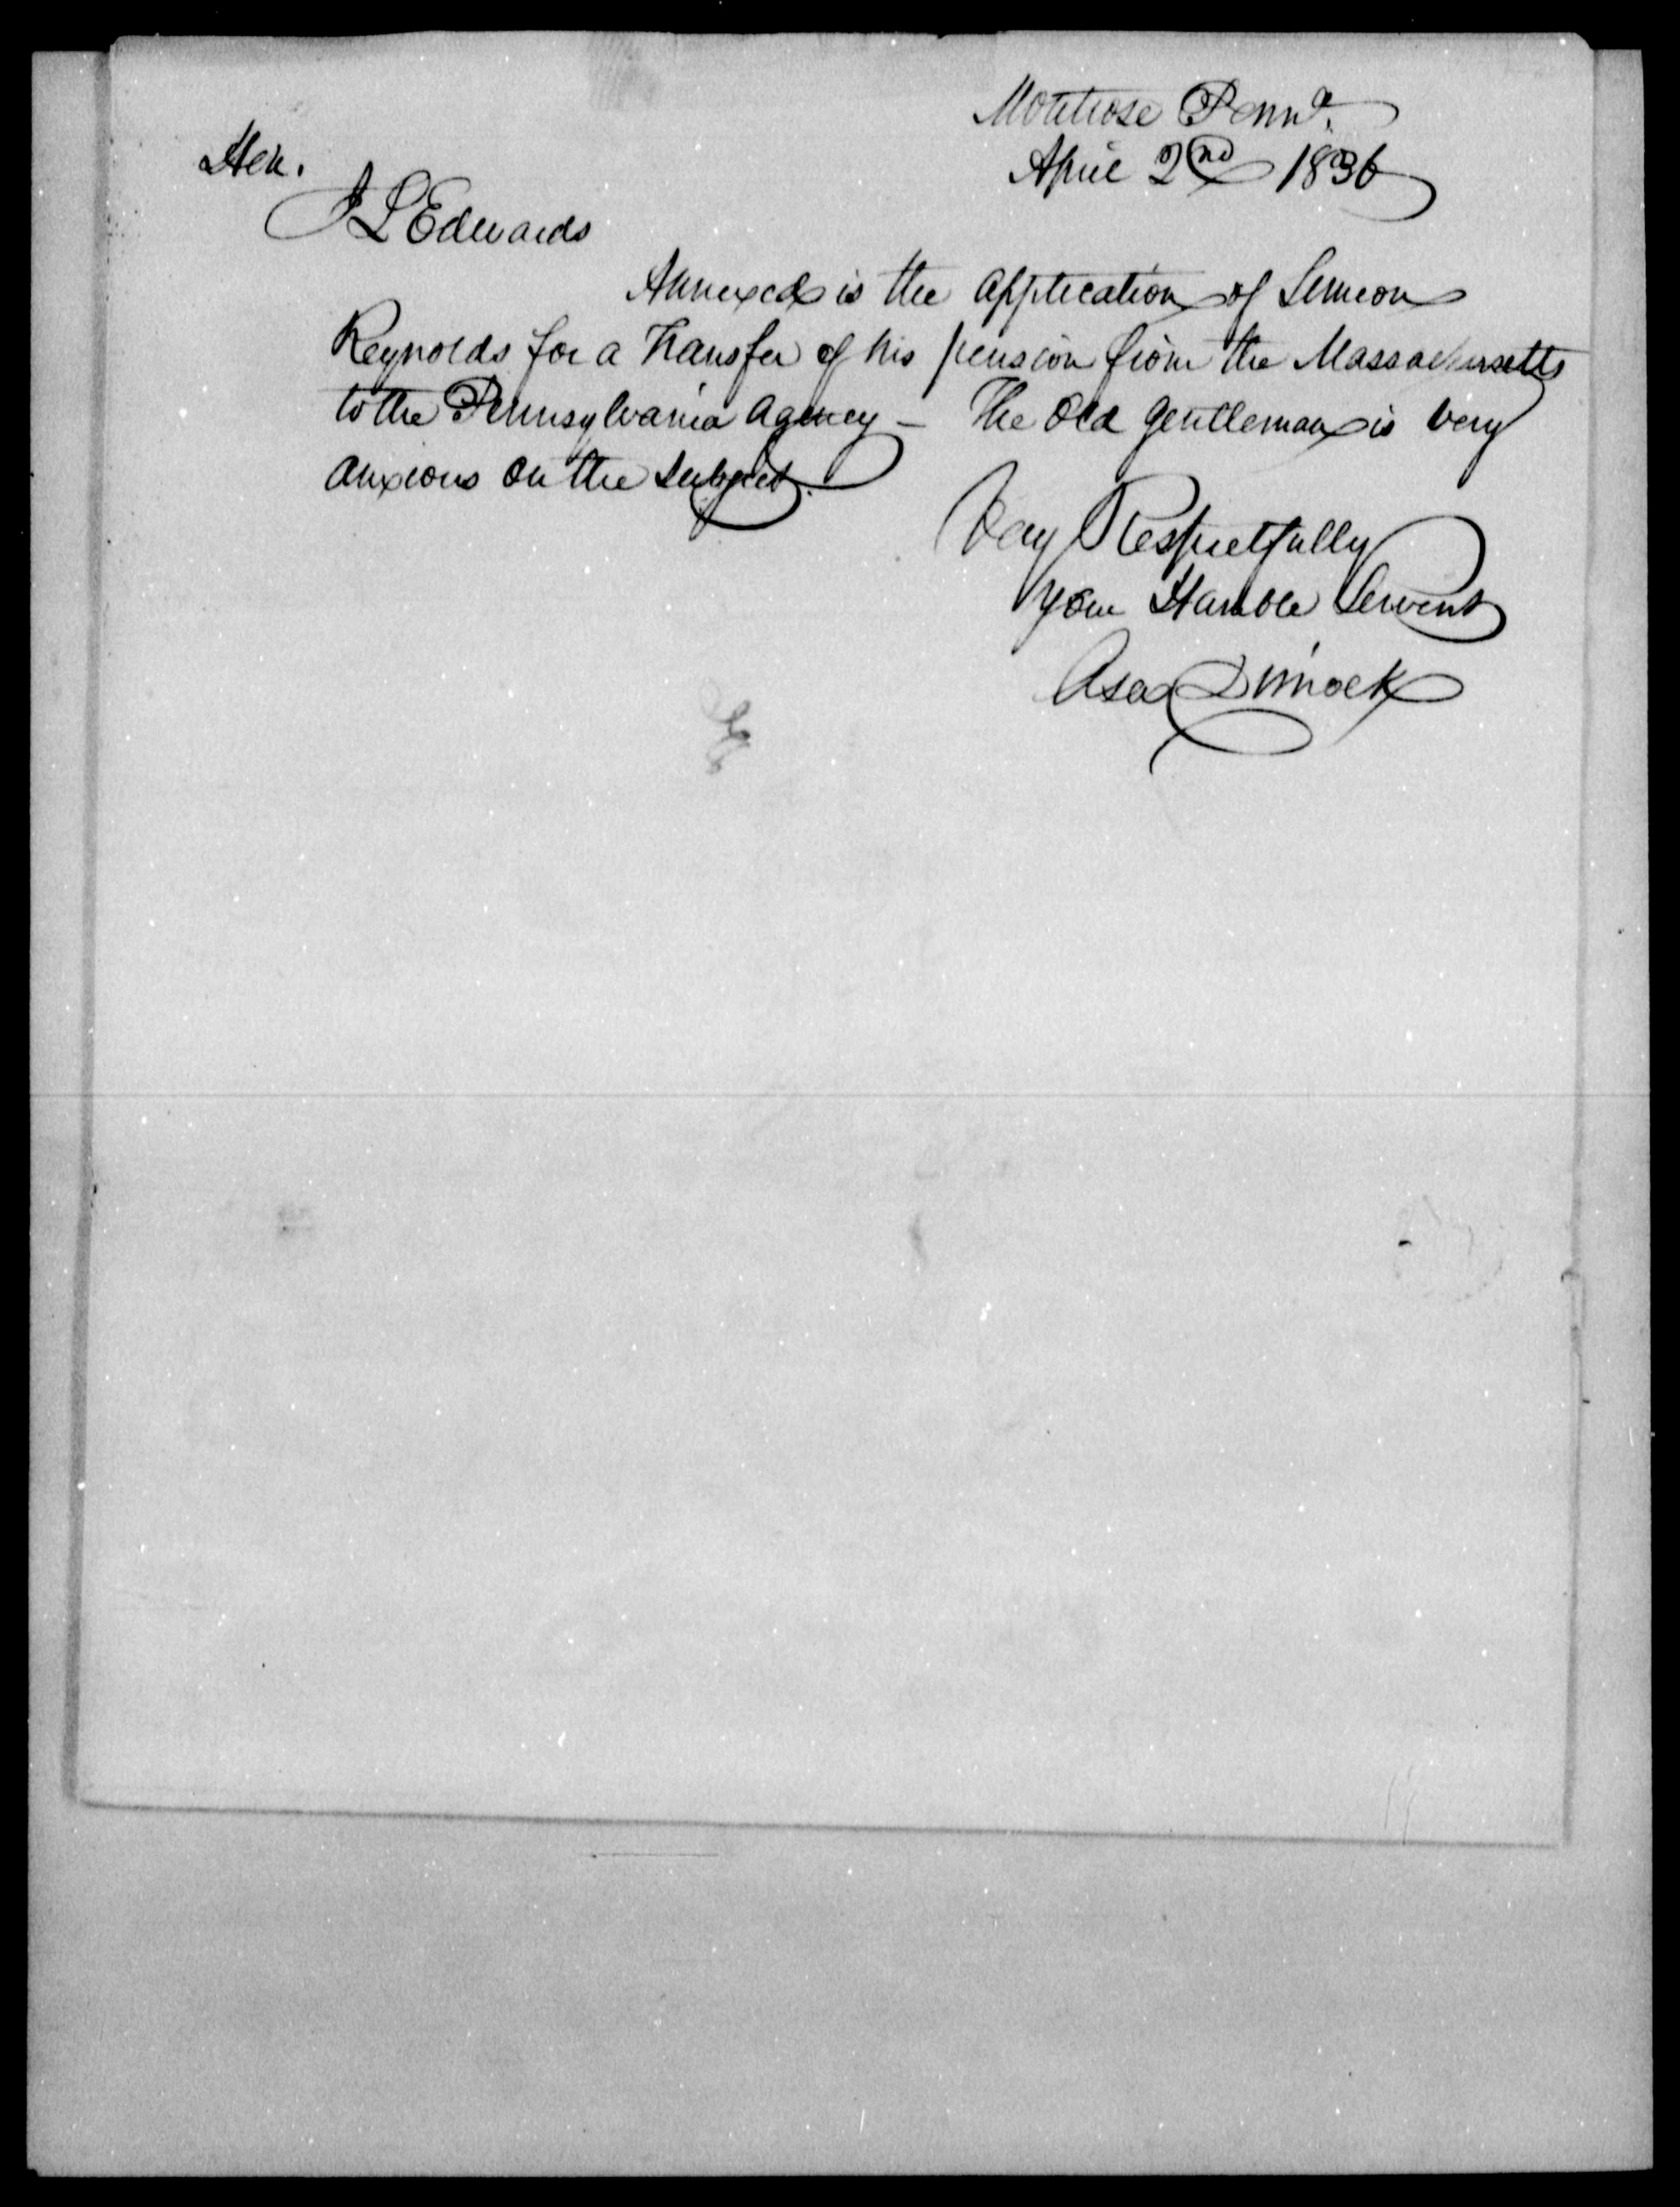Montrose Penn
April 2nd 1836

Hon. J. L. Edwards

Annexed is the application of Simeon Reynolds for a transfer of his pension from the Massachusetts to the Pennsylvania agency. The old gentleman is very anxious on the subject.

Very respectfully your humble servant,

Asa Dimock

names: Asa Dimock; Simeon Reynolds; J L Edwards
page: 12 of 20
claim: survivor's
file: S. 41,094, for Simeon Reynolds, Connecticut